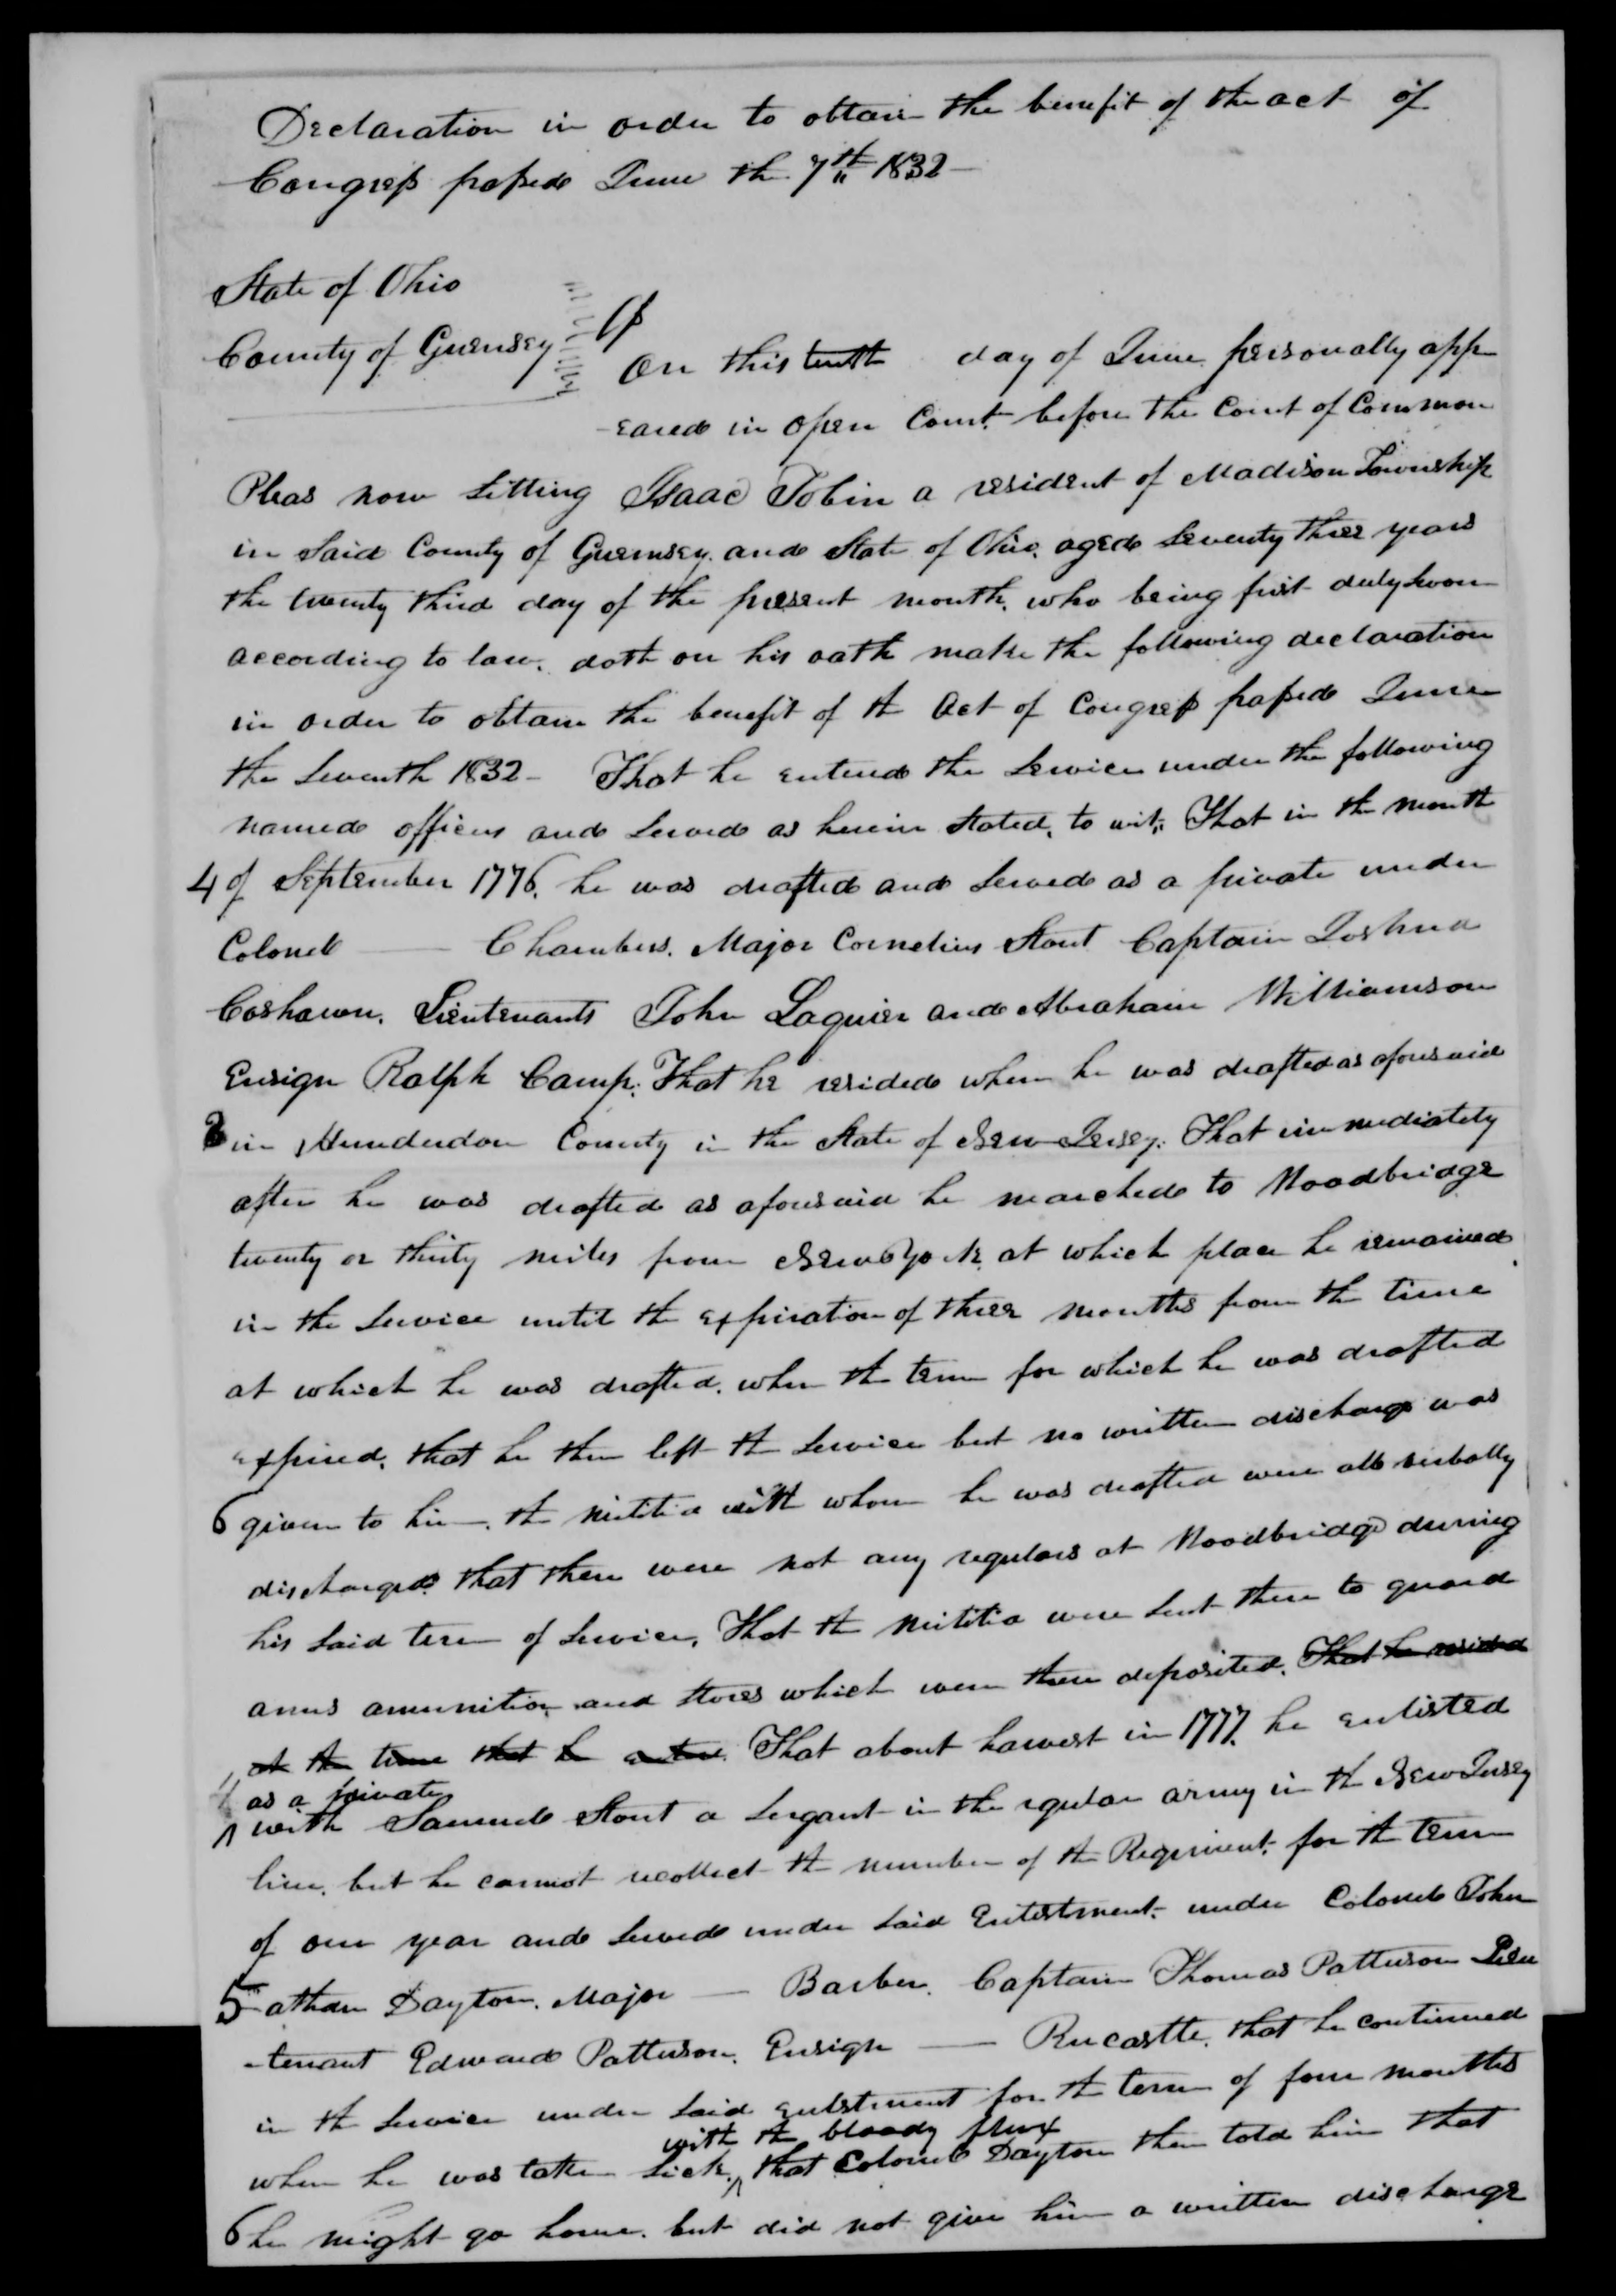Declaration in order to obtain the benefit of the act of 
Congress passed June the 7th 1832- 

State of Ohio)
County of Guernsey) 
On this tenth day of June personally appeared 
in open Court before the Court of Common 
Pleas now Sitting, Isaac Tobin, a resident of Madison Township, 
In Said County of Guernsey, and State of Ohio, aged seventy three years
the twenty third day of the present month, who being first duly Sworn 
according to law, doth on his oath make the following declaration 
in order to obtain the benefit of the Act of Congress passed June 
the Seventh 1832 - That he entered the Service under the following 
named officers and Served as herein stated, to wit, That in the month 
4 [in margin] of September 1776, he was drafted and Served as a private under 
Colonel _______ Chambers, Major Cornelius Stout, Captain Joshua 
Coshawn, Lieutenant John Laquier and Abraham Williamson
Ensign Ralph Camp. That he resided when he was drafted as aforesaid 
3 [in margin] in Hunterdon County in the State of New Jersey. That immediately 
after he was drafted as aforesaid he marched to Woodbridge 
twenty or thirty miles from New York at which place remained
in the Service until the expiration of three months from the time 
at which he was drafted, when the time for which he was drafted 
expired that he then left the Service but no written discharge was 
6 [in margin] given to him. the militia with whom he was drafted were all verbally
discharged that there were not any regulars at Woodbridge during
his Said time of Service. That the militia were Sent there to guard 
arms ammunition and Stores which were there deposited. That [crossed out] he [crossed out] resided[crossed out]
at [crossed out] the [crossed out] time [crossed out] that [crossed out] he [crossed out] entered. [crossed out] That about harvest in 1777, he enlisted 
4 [in margin] as a private with Samuel Stout a Sergant in the regular army in the New Jersey 
line, but he cannot recollect the number of the Regiment for the term 
of one year and Served under Said Enlistment under Colonel Johnathan 
5 [in margin] Dayton, Major _______ Barber, Captain Thomas Patterson, Lieutenant 
Edward Patterson, Ensign ________ Rucastle that he continued 
in the Service under Said enlistment for the term of four months 
when he was taken sick with the bloody flux that Colonel Dayton then told him that 
6 [in margin] he might go home but did not give him a written discharge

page: 8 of 25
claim: survivor's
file: S. 6258, for Isaac Tobin, New Jersey